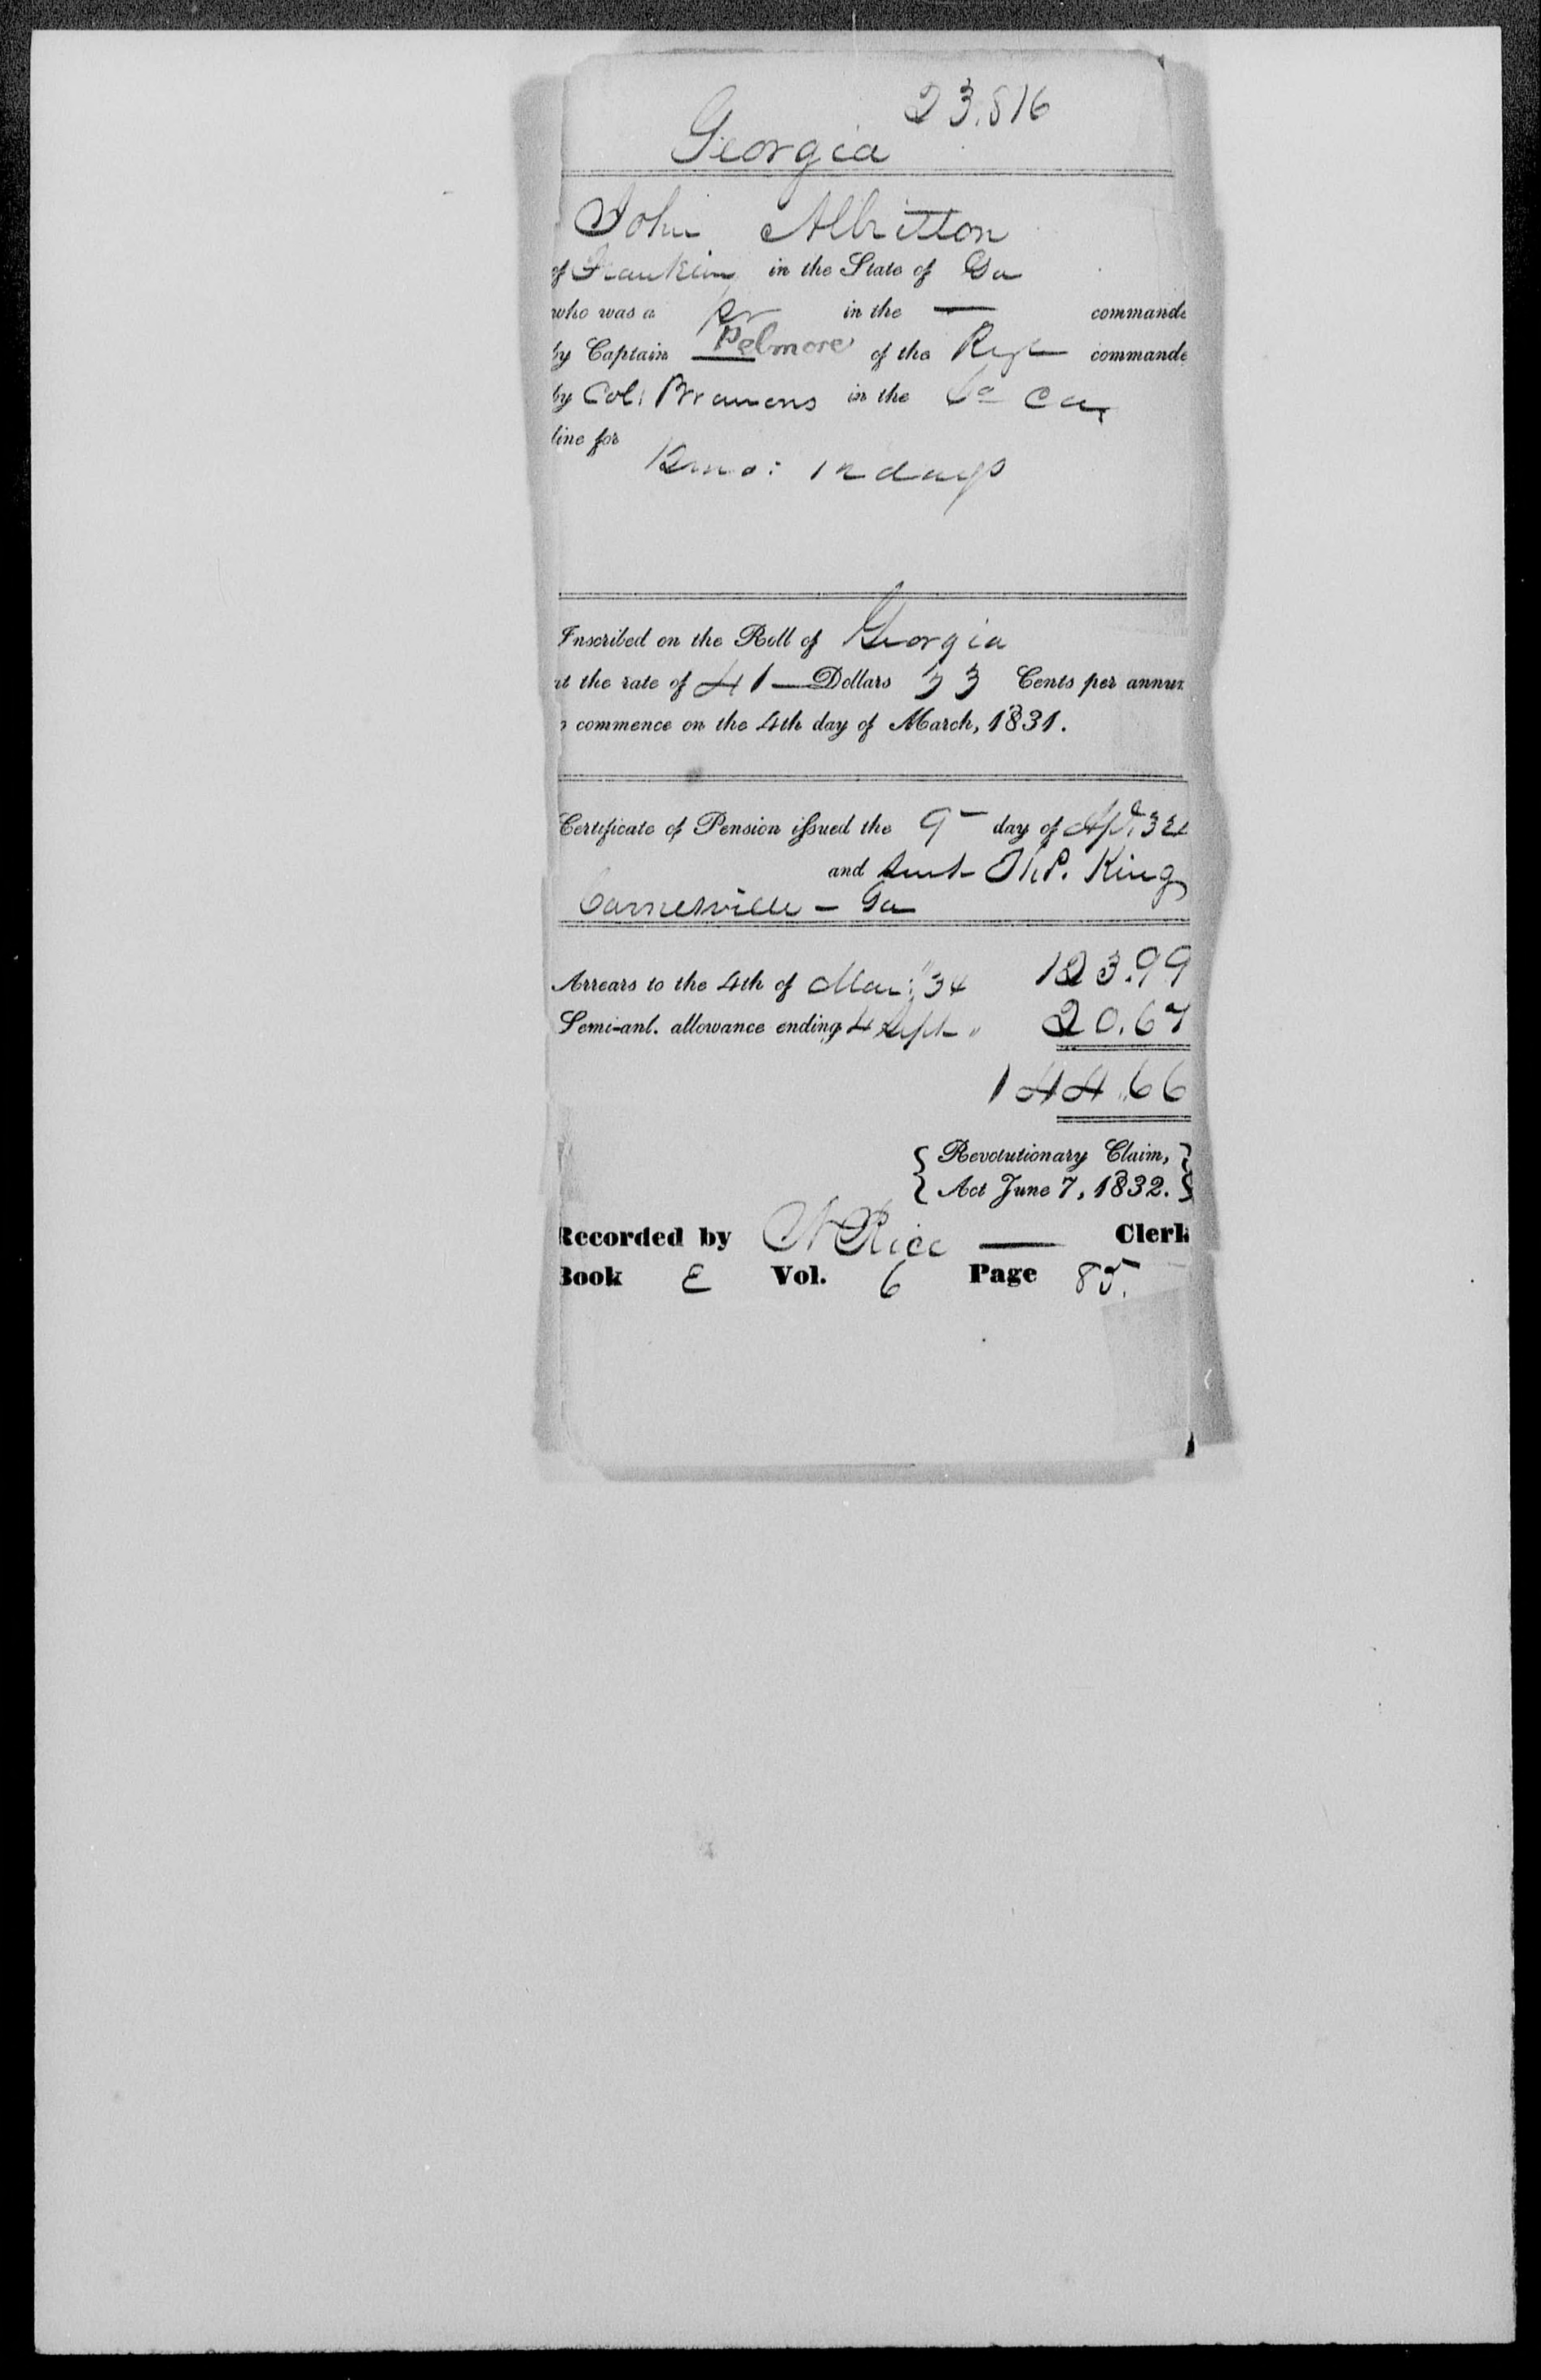Georgia 23.816
John Albritton of Franklin in the State of Ga who was a pr in the - commanded by Captain Delmore of the Regt commanded by Col Branens in the So Ca line for 12 mo. 12 days
Inscribed on the Roll of Georgia at the rate of 41 Dollars 33 Cents per annum to commence on the 4th day of March, 1831.
Certificate of Pension issued the 9th day of Apr 32 and sent Thos. King Carnesville Ga
Arrears to the 4th of Mar, '34           123.99
Semi-anl. allowance ending 4 Sept "  20.67
                                                           144.66
Revolutionary Claim, Act June 7, 1832.
Recorded by N Rice - Clerk
Book E Vol. 6 Page 85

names: N Rice, Branons, John Albritton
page: 3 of 22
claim: survivor's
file: S. 31,517, John Allbritton, S.C.